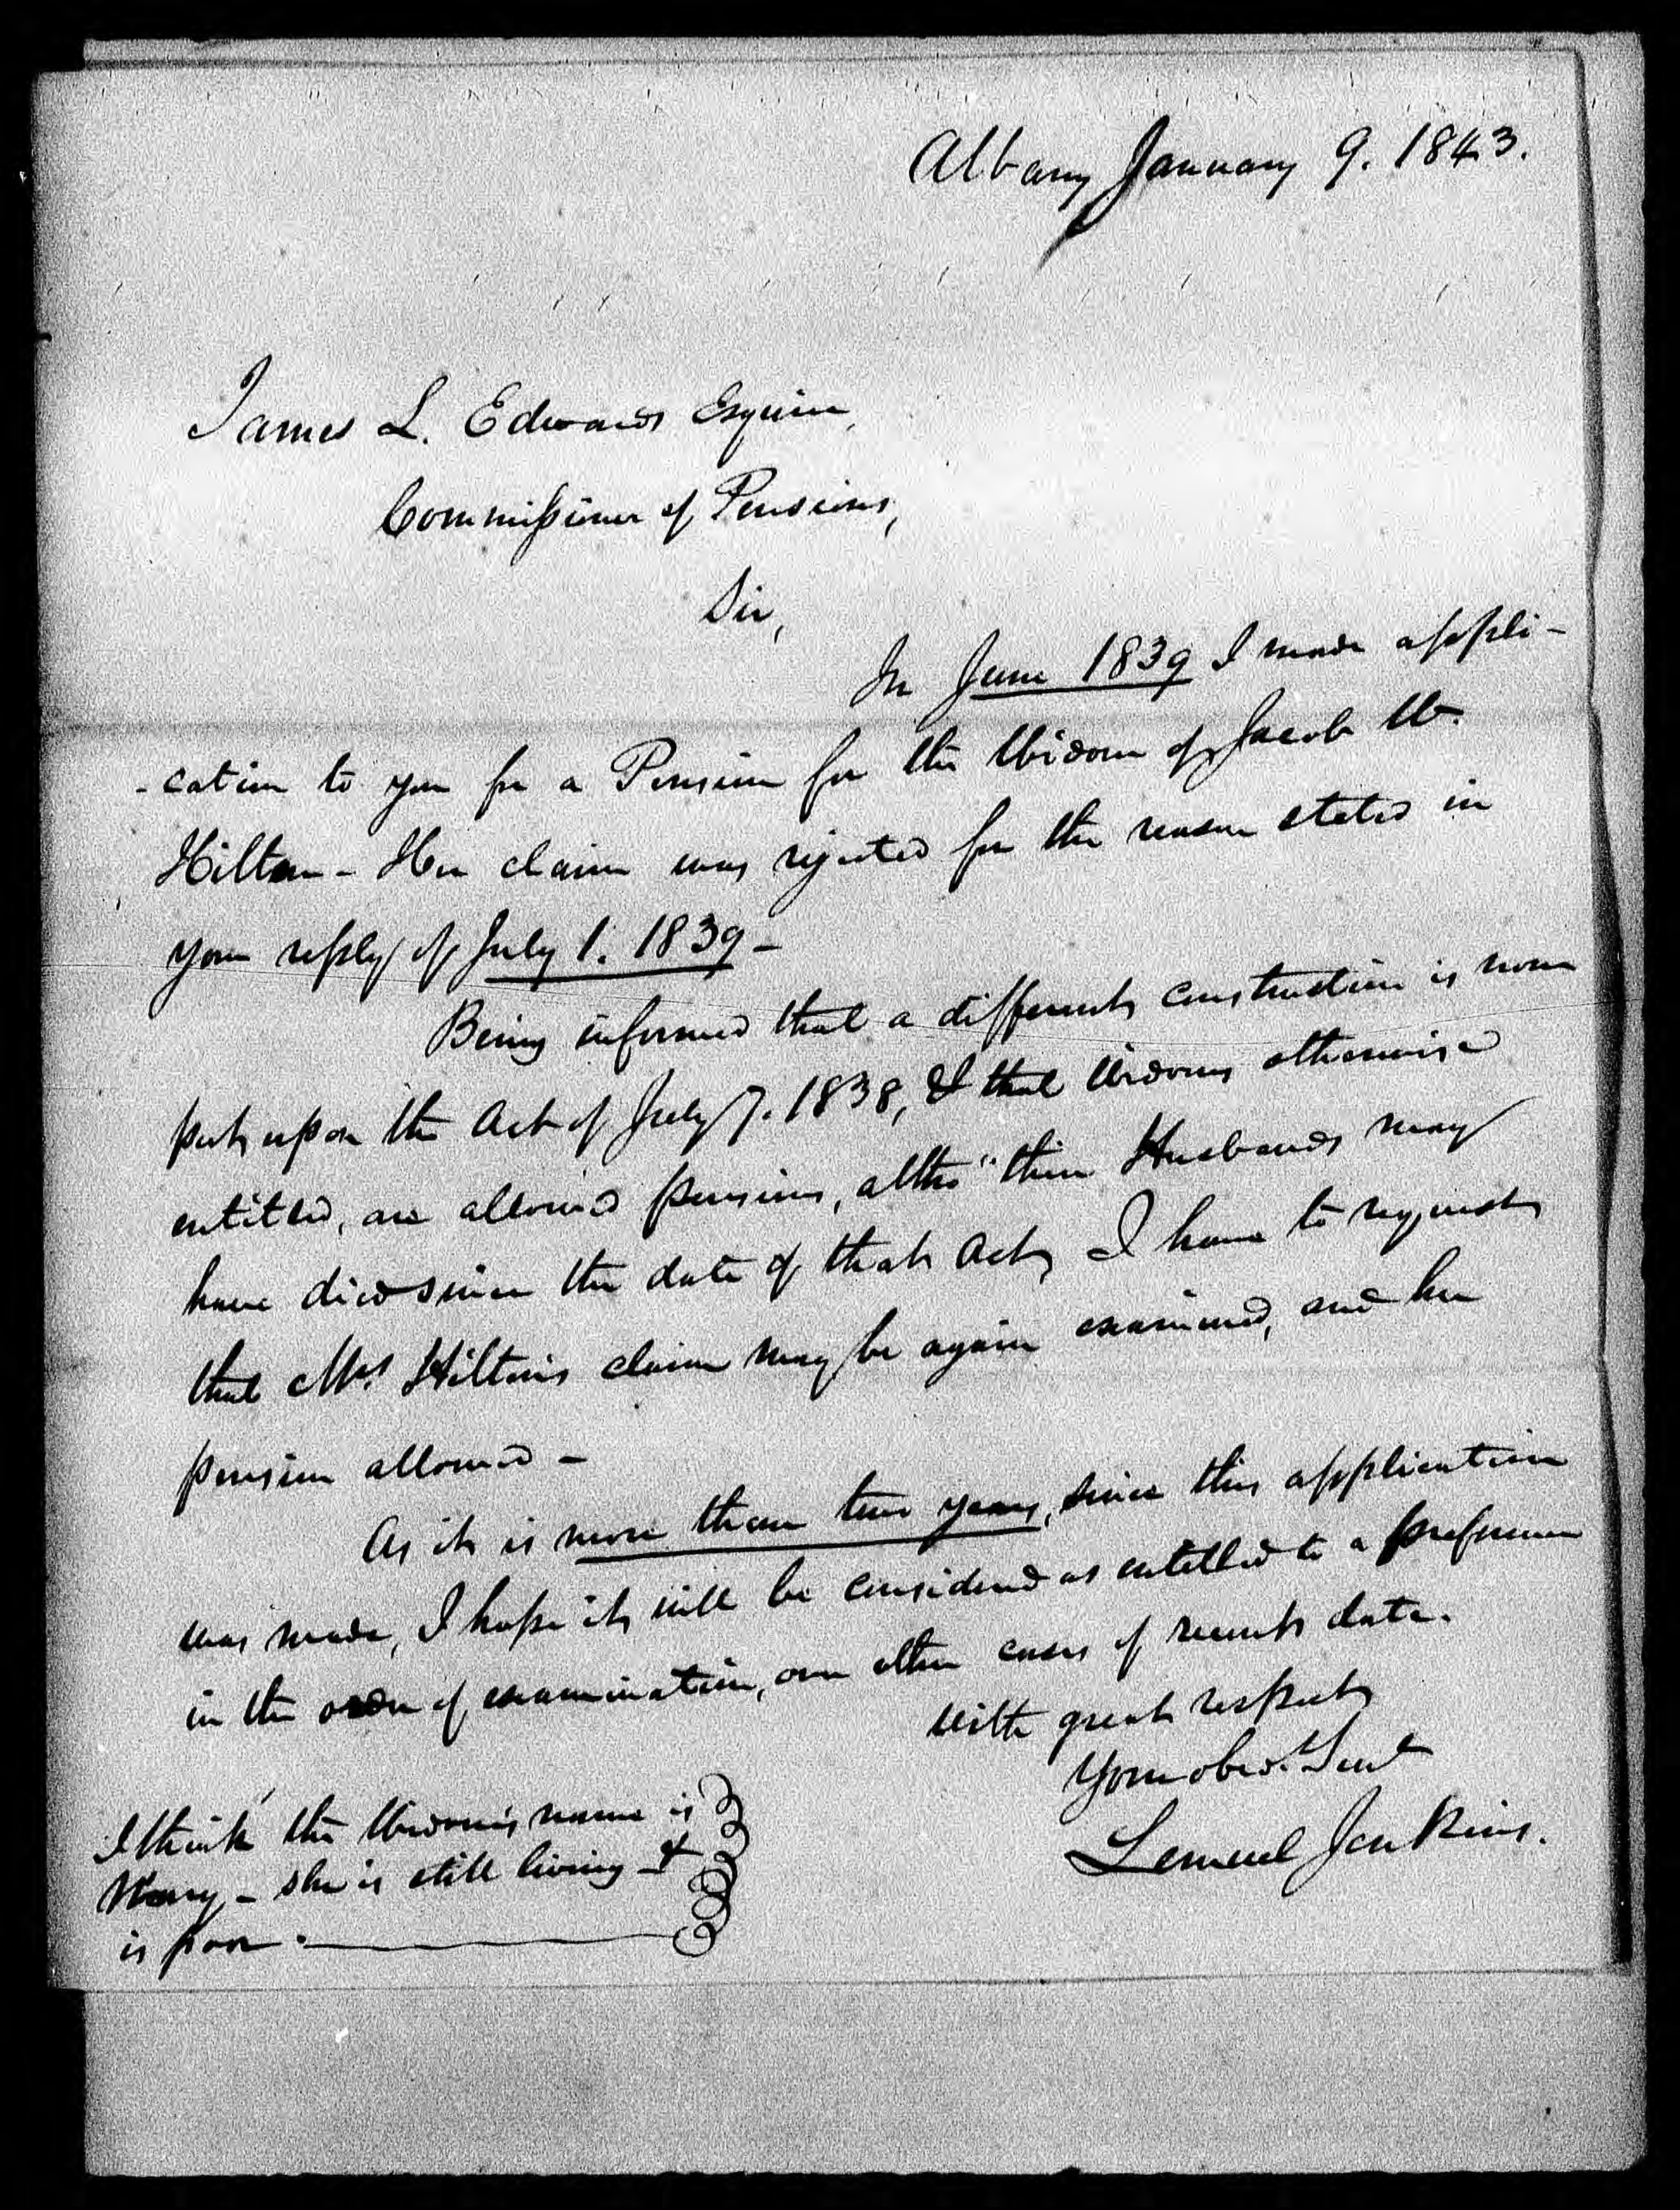James L. Edwards Esquire
Commissioner of Pensions

Sir,

In June 1839 I made application to you for a Pension for the Widow of Jacob W. Hilton. Her claim was rejected for the reason stated in your reply of July 1, 1839 -

Being informed that a different construction is now put upon this Act of July 7, 1838, and that  Widows otherwise entitled, are allowed pensions, altho their husbands may have died since the date of that Act I have to request that Mrs. Hilton's claim may be again examined, and her pension allowed -

As it is more than two years, since this application was made, I hope it will be considered as entitled to a preference in its order of examination, over other cases of recent date. 

I think the widow's name is Mary. She is still living and is poor.

with great respect, your obed. servt
Lemuel Jenkins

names: Hilton, Jacob W Hilton, Lemuel Jenkins, James L Edwards, Nancy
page: 41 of 48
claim: widow's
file: W. 19788, Jacob W Hilton, New York